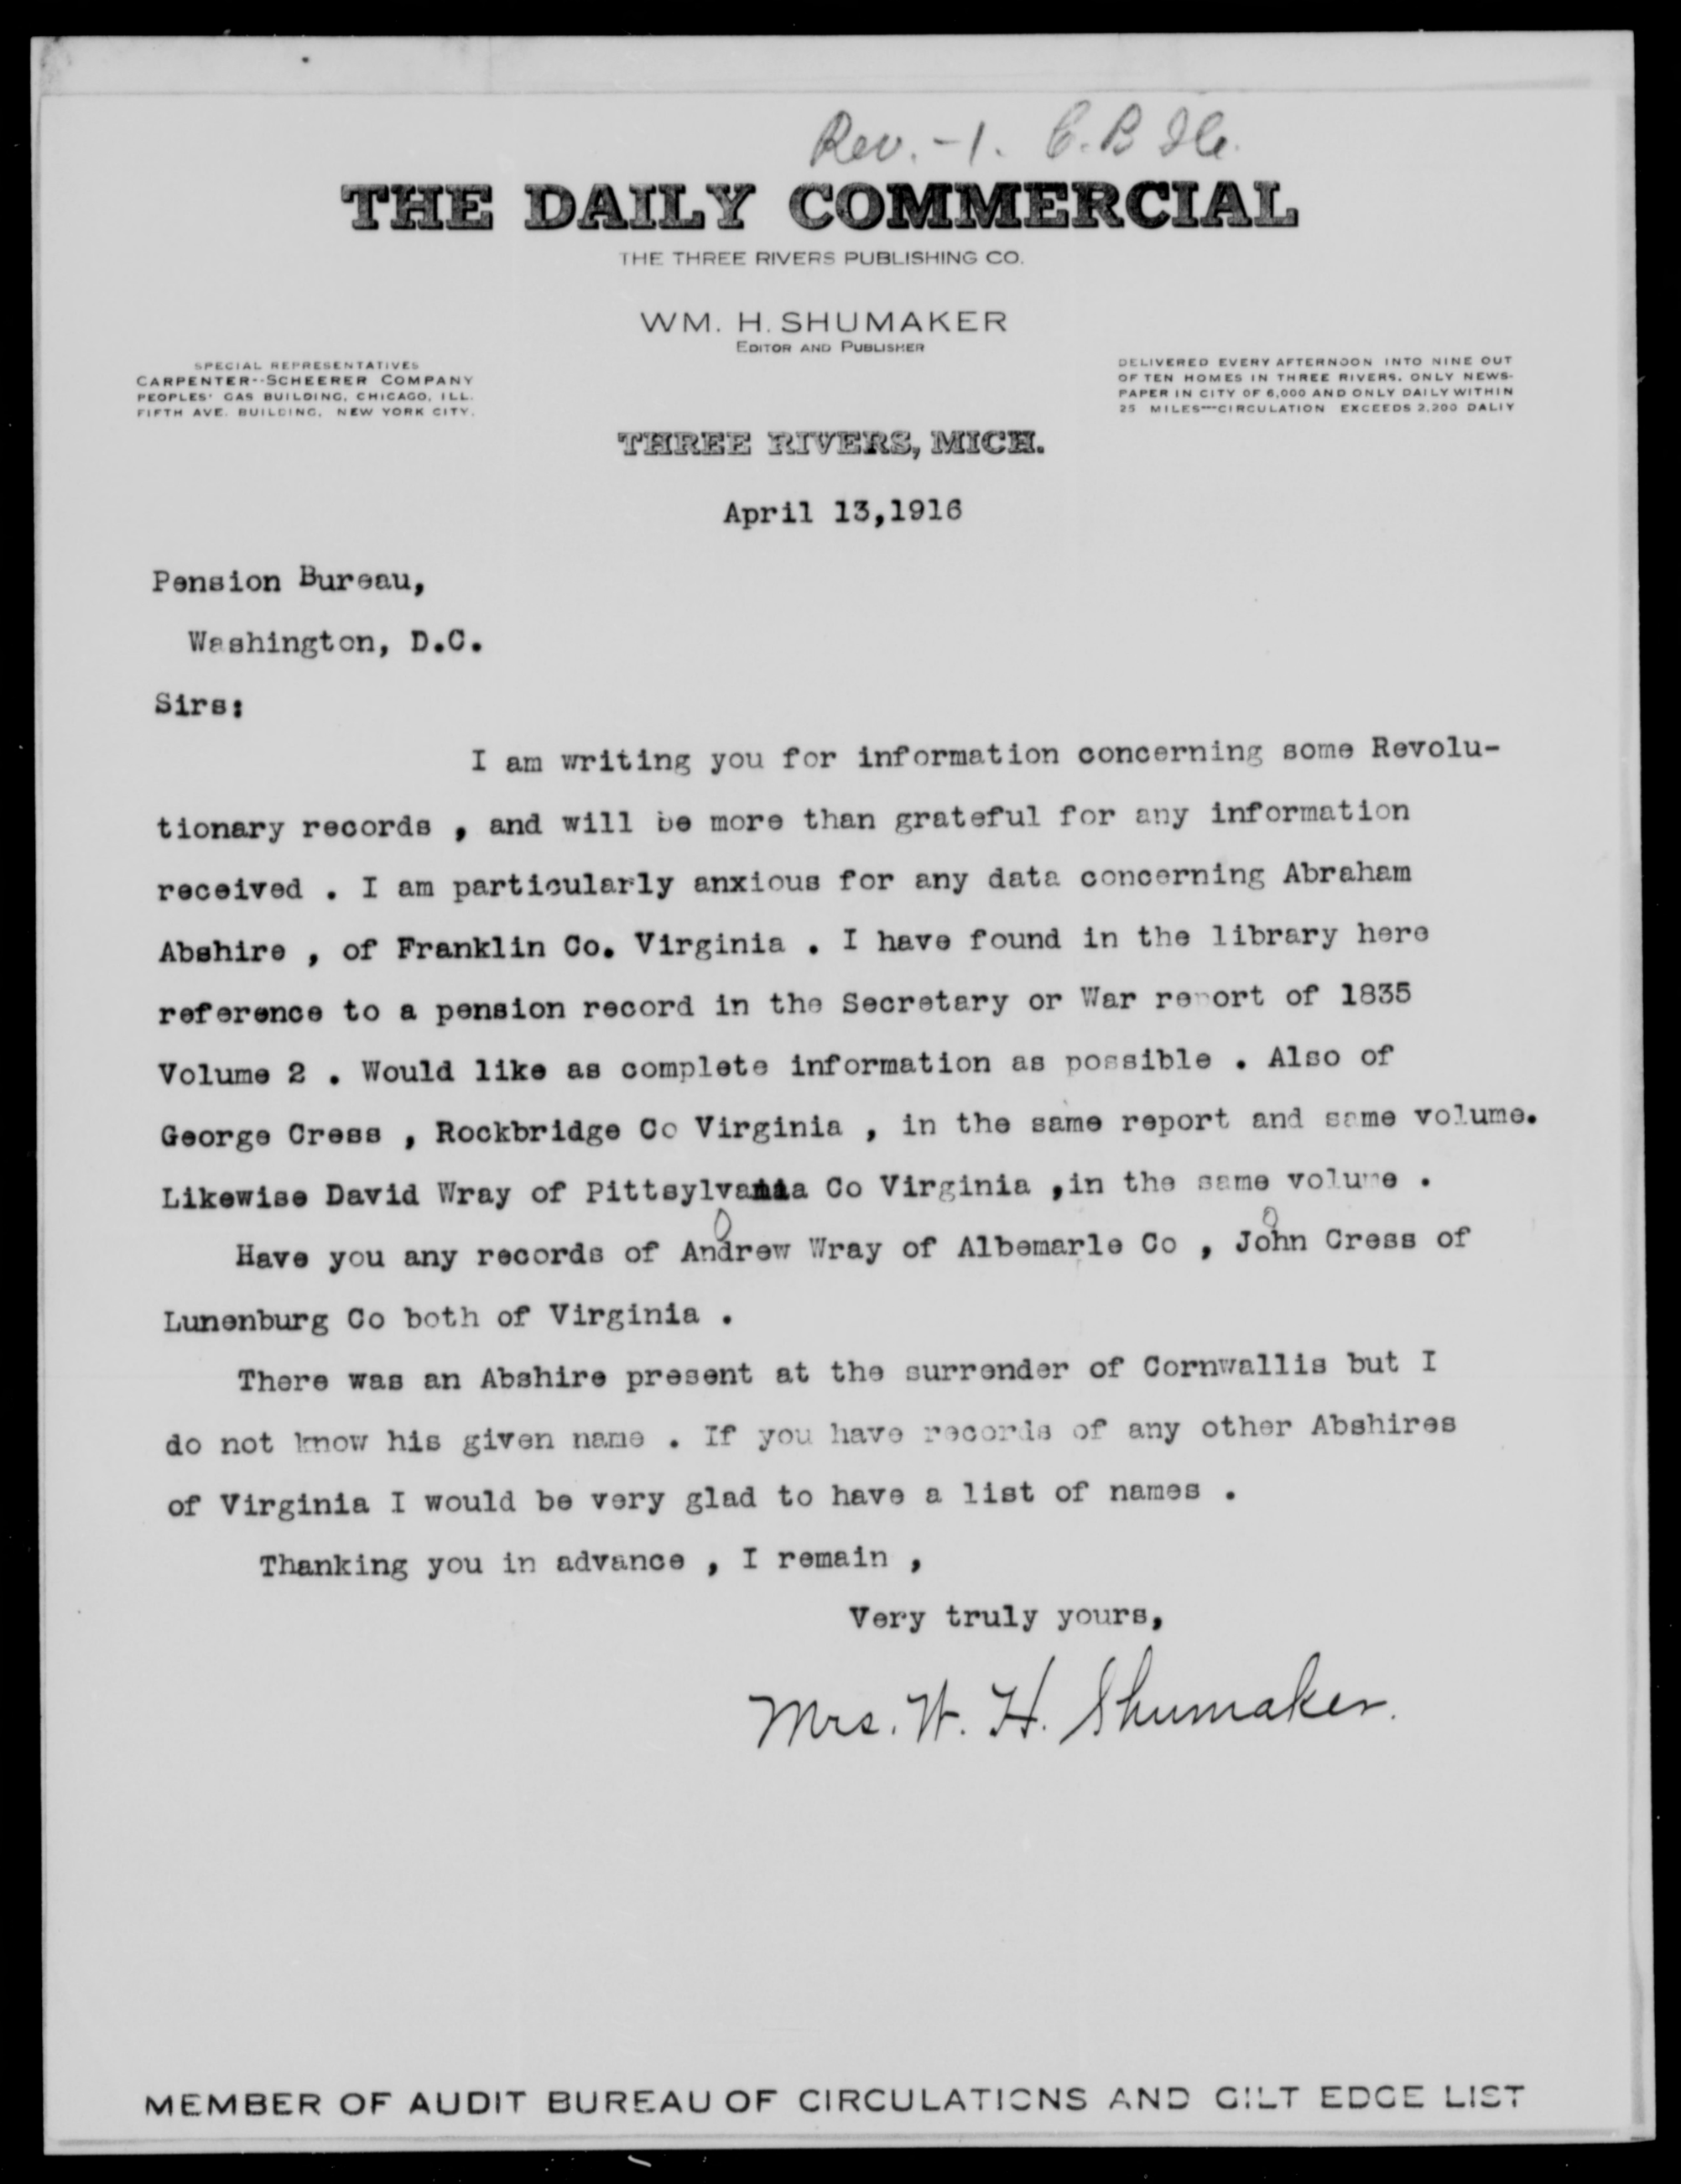Rev. - 1.  C. B JC.
                                             THE DAILY COMMERCIAL
                                          THE THREE RIVERS PUBLISHING CO.
                                                  WM. H. SHUMAKER
                                            EDITOR AND PUBLISHER
SPECIAL REPRESENTATIVES                                                           DELIVERED EVERY AFTERNOON INTO NINE OUT
CARPENTER - SCHEERER COMPANY                                             OF TEN HOMES IN THREE RIVERS. ONLY NEWS-
PEOPLES' GAS BUILDING, CHICAGO, ILL.                                      PAPER IN CITY OF 6,000 AND ONLY DAILY WITHIN
FIFTH AVE. BUILDING, NEW YORK CITY.                                        25 MILES - CIRCULATION EXCEEDS 2,200 DAILY.
                                                      THREE RIVERS, MICH.
                                                          April 13, 1916
Pension Bureau,
Washington, D.C.
Sirs:
     I am writing you for information concerning some Revolu-
tionary records, and will be more than grateful for any information
received.  I am particularly anxious for any data concerning Abraham
Abshire, of Franklin Co, Virginia.  I have found in the library here
reference to a pension record in the Secretary of War report of 1835
Volume 2.  Would like as complete information as possible.  Also of
George Cress, Rockbridge Co Virginia, in the same report and same volume.
Likewise David Wray of Pittsylvania co Virginia, in the same volume.
    Have you any records of Andrew Wray of Albermarle Co,, John Cress of
Lunenburg Co both of Virginia.
    There was an Abshire present at the surrender of Cornwallis but I
do not know his given name.  If you have records of any other Abshires
of Virginia I would be very glad to have a list of names.
     Thanking you in advance, I remain,
    Very truly yours,
Mrs. W. H. Shumaker



MEMBER OF AUDIT BRUEAU OF CIRCULATIONS AND GILT EDGE LIST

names: W H Shumaker, Andrew Wray, John Cress, Abraham Abshire, George Cress, David Wray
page: 16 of 19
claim: survivor's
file: S. 7,973, David Wray, Va.